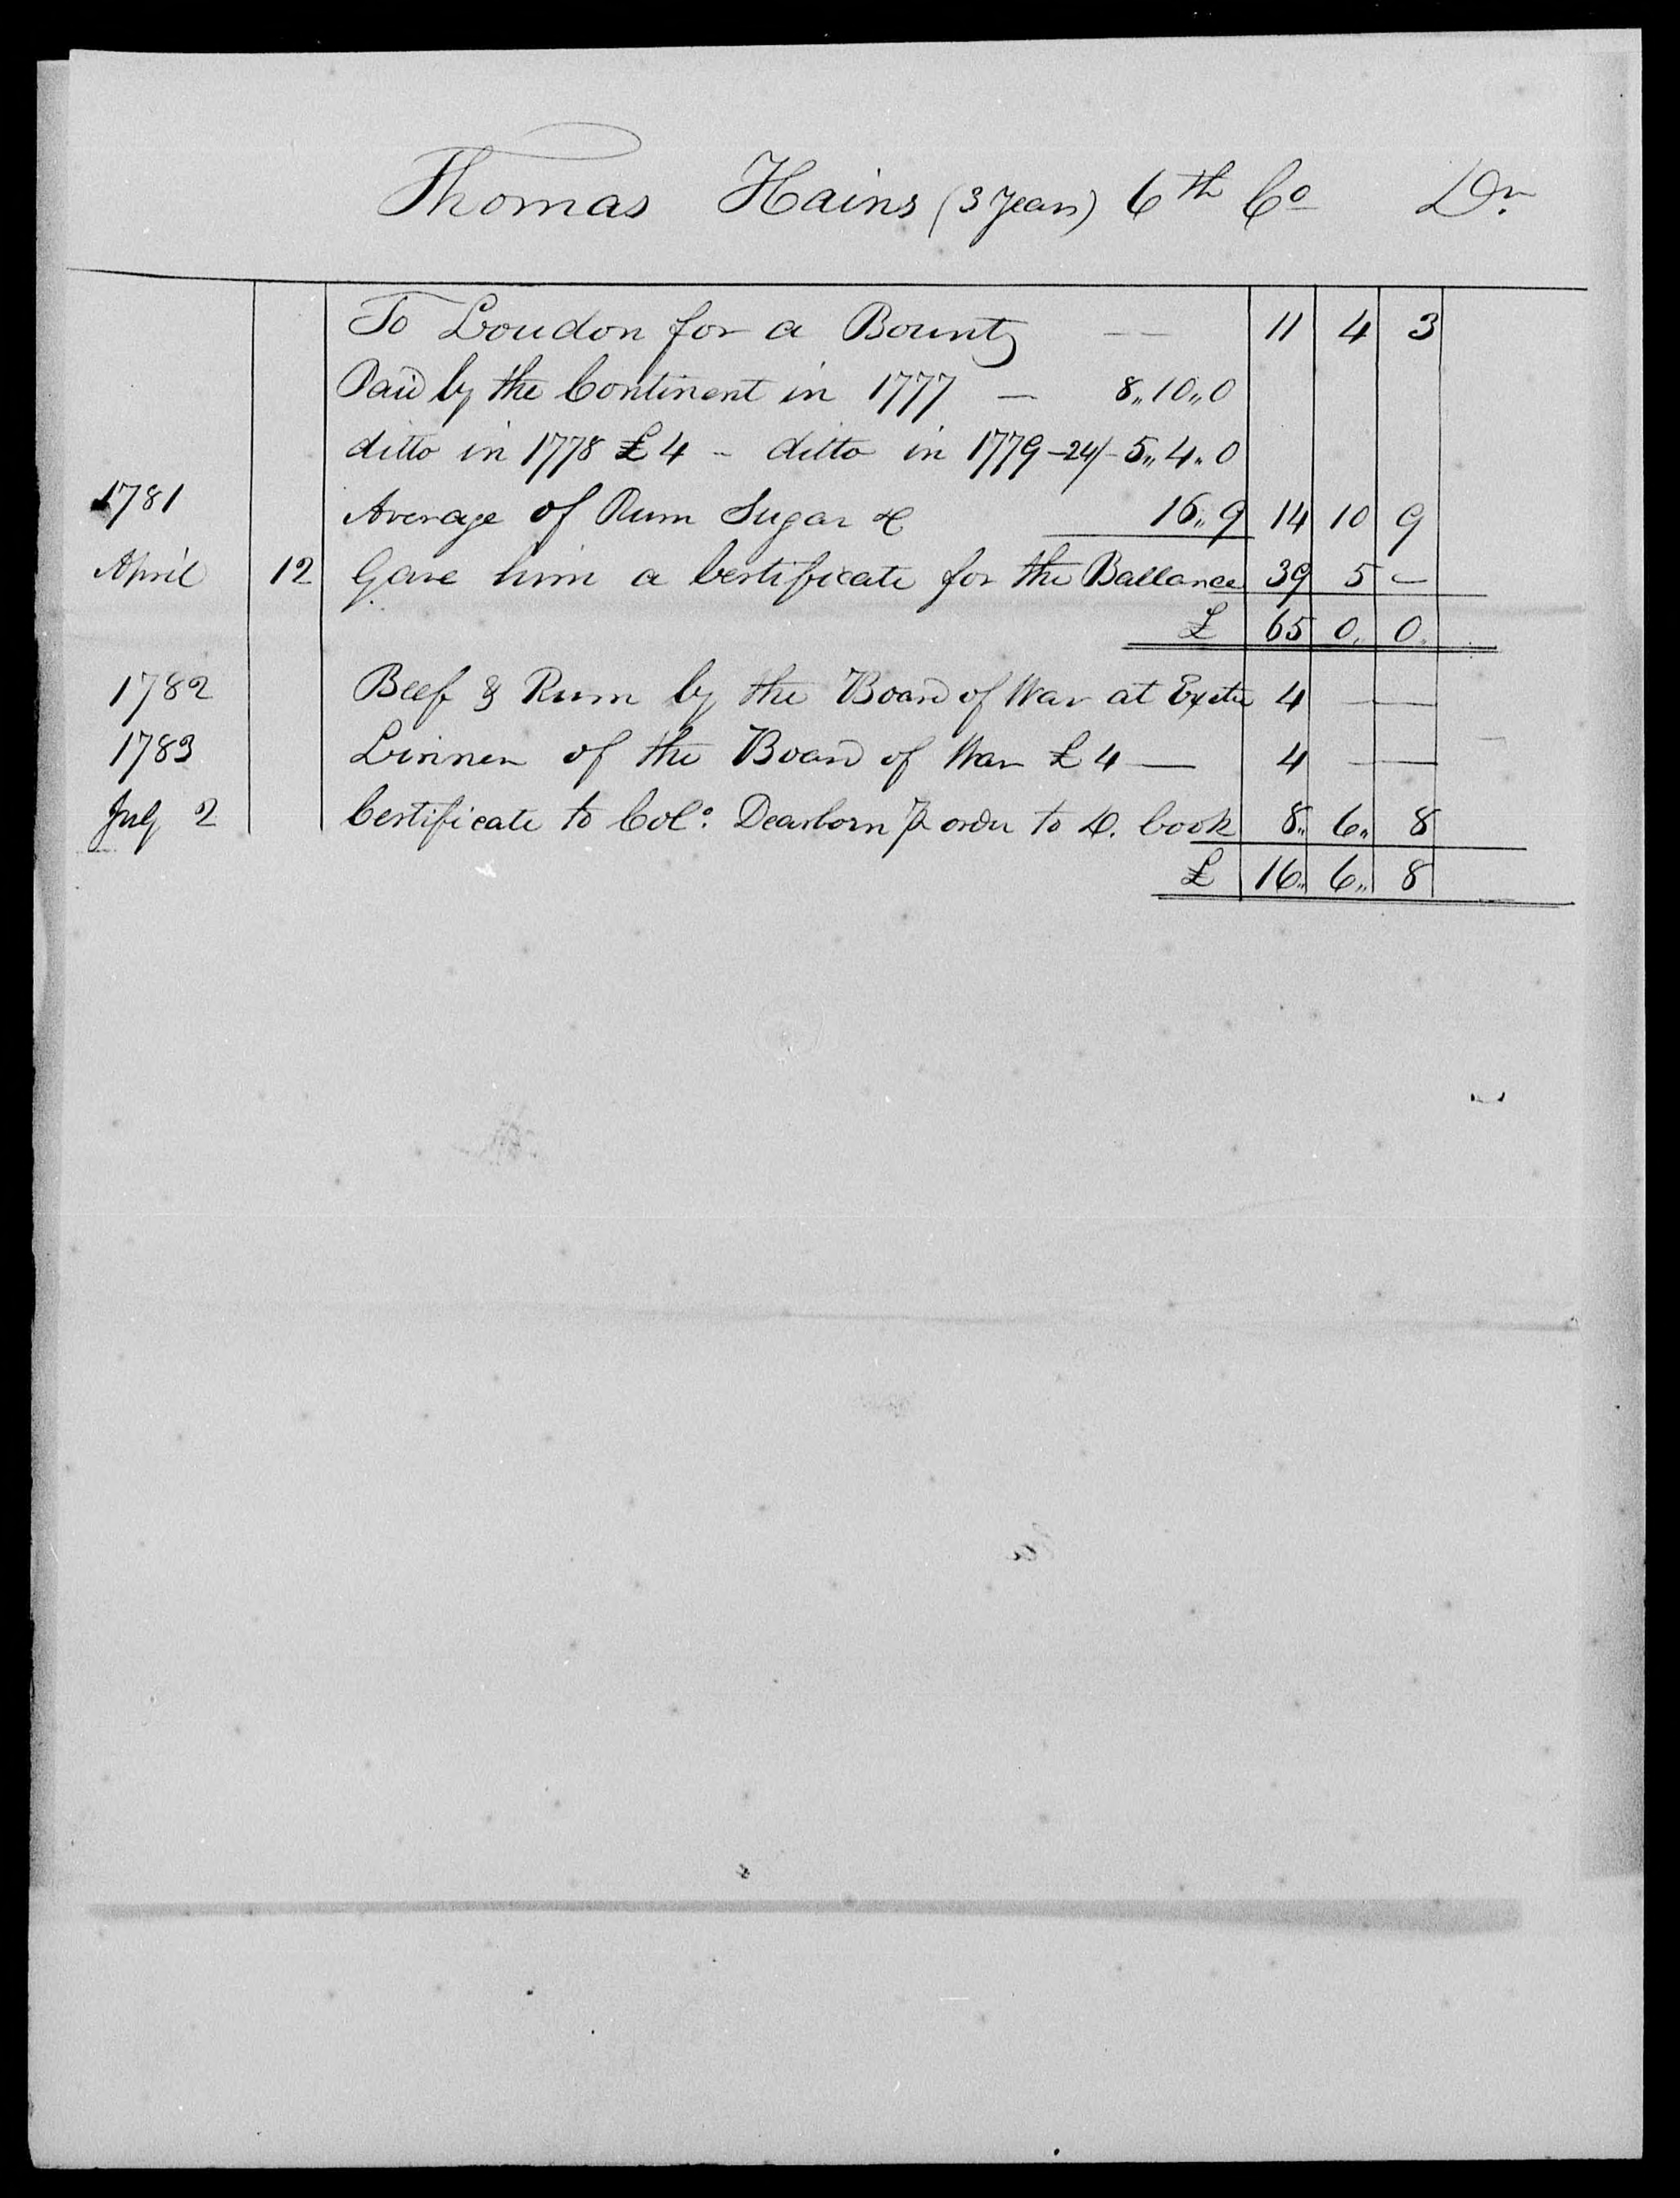Thomas Hains (3 year) 6th Co D:
To Loudon for a Bounty | 11 | 4 | 3|
paid by the Continent in 1777 8.10.0
ditto in 1778  $4 - ditto in 1779- 24/-5.4.0
1781 April | 12 | Average of Rum Sugar of 16.9 ┃14 | 10 | 9 |
Gave him a certificate for the Ballance | 39 | 5 | -
$ |6 65 | 0 | 0 |
1782 Beef & Rum by the Board of War at Exeter
| 4 | - | - |

1783 [illegible Liriamen] of the Board of War $4
| 4 | - | - |
July 2 Certificate to Col. Dearborn a order to D. Cook | 8 | 6 | 8 |
$ | 16 | 6 | 8 |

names: Thomas Hains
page: 49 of 57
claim: widow's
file: W. 23217, Thomas Haines, N H